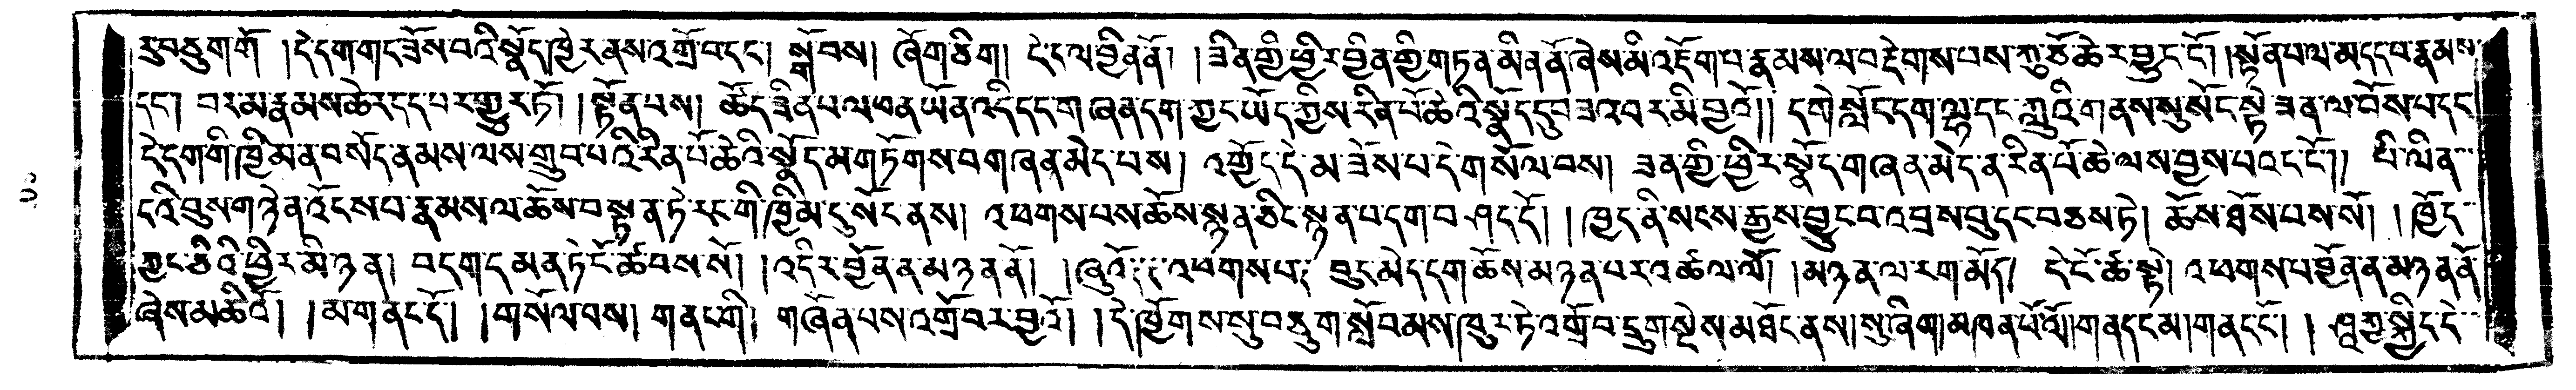རུ་བཅུག་གོ །དེ་དག་གང་ཟོས་པའི་སྣོད་ཁྱེར་ནས་འགྲོ་བ་དང་། སྒོ་བས། ཞོག་ཅིག། དེ་དལ་བྱིན་ནོ། །ཟིན་གྱི་ཕྱིར་བྱིན་གྱི་གཏན་མིན་ནོ་ཞེས་མཾ་འཇོག་པ་རྣམས་ལ་བརྡེགས་པས་ཀུ་ཅོ་ཆེར་བྱུང་ངོ། །སྟོན་པ་ལ་མ་དད་པ་རྣམས་
དང་། བར་མ་རྣམས་ཆེར་དད་པར་གྱུར་ཏོ། །སྟོན་པས། ཚོད་ཟིན་པ་ལ་ཕན་ཡོན་འདི་དང་གཞན་དག་ཀྱང་ཡོད་ཀྱིས་རིན་པོ་ཆེའི་སྣོད་དུ་བཟའ་བར་མི་བྱའོ། །དགེ་སློང་དག་ལྷ་དང་ཀླུའི་གནས་སུ་སོང་སྟེ་ཟན་ལ་བོས་པ་དང་
དེ་དག་གི་ཁྱིམ་ན་བསོད་ནམས་ལས་གྲུབ་པའི་རིན་པོ་ཆེའི་སྣོད་མ་གཏོགས་པ་གཞན་མེད་པས། འགྱོད་དེ་མ་ཟོས་པ་དེ་གསོལ་བས། ཟན་གྱི་ཕྱིར་སྣོད་གཞན་མེད་ན་རིན་པོ་ཆེ་ལས་བྱས་པའང་ངོ། །པི་ལིན་
ངའི་བུས་གཉེན་འོངས་པ་རྣམས་ལ་ཆོས་བསྟན་ཏེ་རང་གི་ཁྱིམ་དུ་སོང་ནས། འཕགས་པས་ཆོས་སྙན་ཅིང་སྙན་པ་དག་བཤད་དོ། །ཁྱད་ནི་སངས་རྒྱས་བྱུང་བ་འབྲས་བུ་དང་བཅས་ཏེ། ཆོས་ཐོས་པས་སོ། །ཁྱོད་
ཀྱང་ཅིའི་ཕྱིར་མི་ཉན། བདག་དམན་ཏེ་ངོ་ཚ་བས་སོ། །འདིར་བྱོན་ན་མཉན་ནོ། །ཞུའོ༑ ༑འཕགས་པ༑ བུད་མེད་དག་ཆོས་མཉན་པར་འཚལ་ལོ། །མཉན་ལ་རག་མོད། དེ་ངོ་ཚ་སྟེ། འཕགས་པ་བྱོན་ན་མཉན་ནོ་
ཞེས་མཆིའོ། །མ་གནང་ངོ། །གསོལ་བས། གནང་གི། གཞོན་པས་འགྲོ་བར་བྱའོ། །དེ་ཁྱོགས་སུ་བཅུག་སློབ་མས་ཁུར་ཏེ་འགྲོ་བ་དྲུག་སྡེས་མཐོང་ནས། སུ་ཞིག། མཁན་པོ་ལོ། གནད་ངམ། གནང་ངོ། །ཤཱཀྱ་སྐྱིད་དེ་